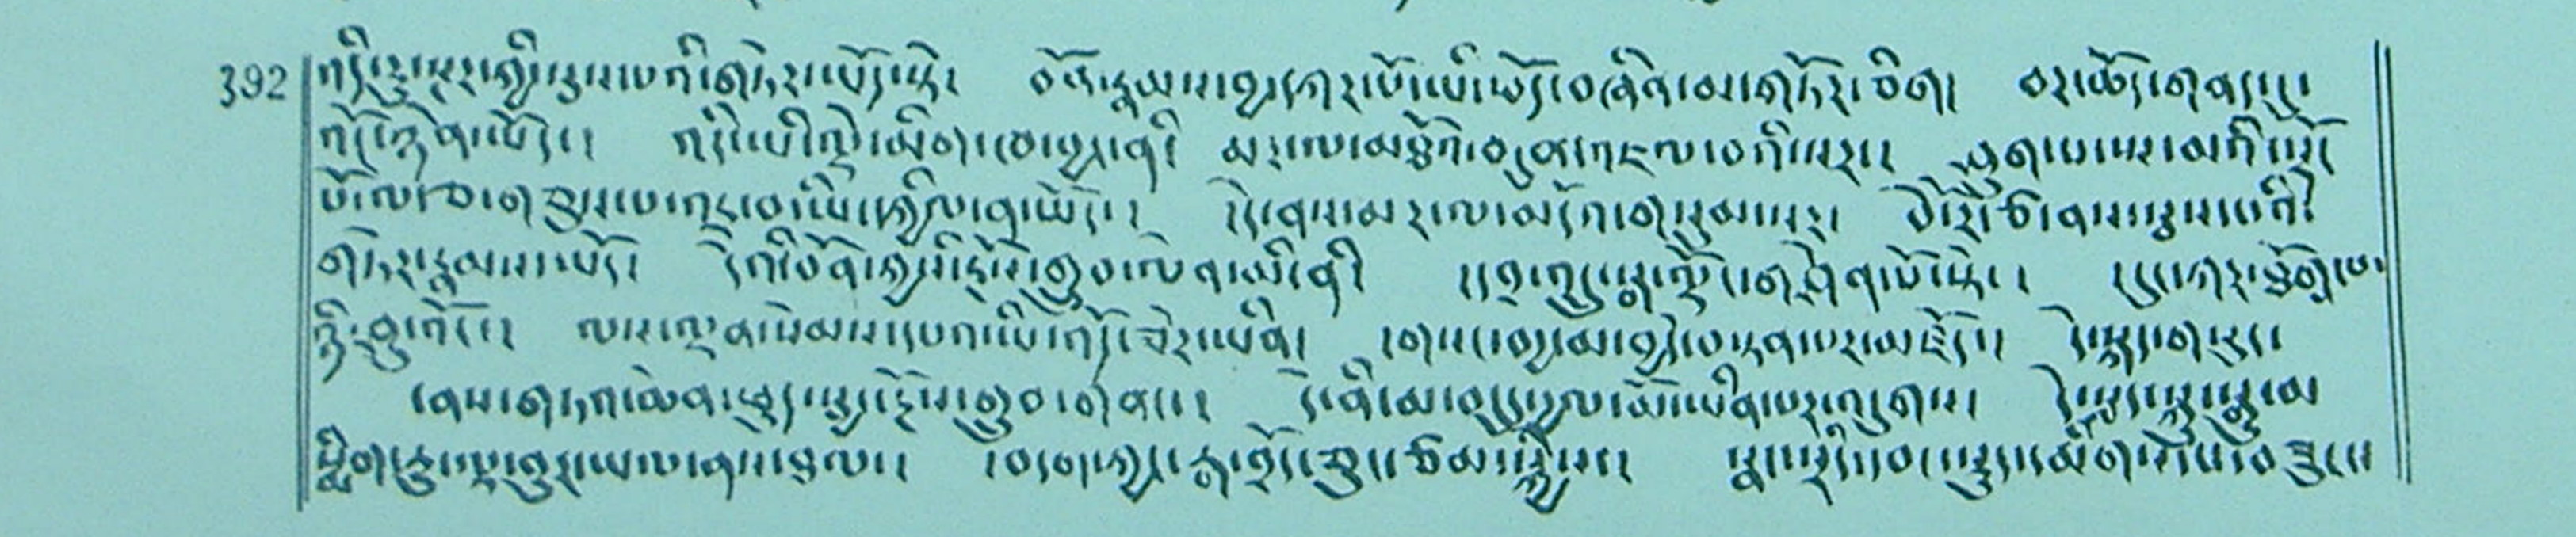འདི་རུ་སྔར་གྱི་སྦས་པའི་གཏེར་ཡོད་དེ། བོན་རྣམས་བྱ་དཀར་པོ་ཡི་ཕོད་བཞིན་མ་གཏོར་ཅིག བར་ཆོད་གནད་དུ་
འོང་ཉེན་ཡོད། འདི་ཡི་ལྡེ་མིག་ཁ་བྱང་ནི། མར་ལ་མཐོ་བདུན་གཞལ་བའི་སར། ཤུག་པ་སྤ་མའི་སྡོང་
པོ་ལ། ཅ་གཅུས་པ་འདྲ་བ་ཡི་དཀྱིལ་ན་ཡོད། དེ་ནས་མར་ལ་འདོའ་གསུམ་སར། བེ་རོ་ཙ་ནས་སྦས་པའི་
གཏེར་རྣམས་ཡོད། དེའི་བོན་གྱི་དངོས་གྲུབ་ལེན་མི་ནི། དབྲ་འབྲུ་སྒ་ལྡོང་གཤེན་པོ་སྟེ། དུང་དཀར་ཐོགས་
པ་ཉི་ཤུ་འོང་། ལས་ལྡན་སེམས་དཔའ་ཡི་འོད་ཟེར་ཡིན། གསང་རྒྱ་མ་བྱེད་བསྟན་པར་མཛོད། དེ་སྐད་གསུང་
ནས་གཏའ་ཆེན་ཕུད་སྦྱངས་དངོས་གྲུབ་གནང་། དེ་ནི་མ་བདུད་རྒྱལ་མོ་ཡིན་པར་འདུག དེ་སླད་སྐུ་སྒྱུ་མ་
སྨིག་རྒྱུ་ལྟ་བུར་ཡལ་ནས་ཐལ། བདག་ཀྱང་རྒ་བྲོད་ཅུང་ཙམ་སྐྱེས། སྣང་སྲིད་དབང་སྡུད་དམིགས་པས་བཟུང་།